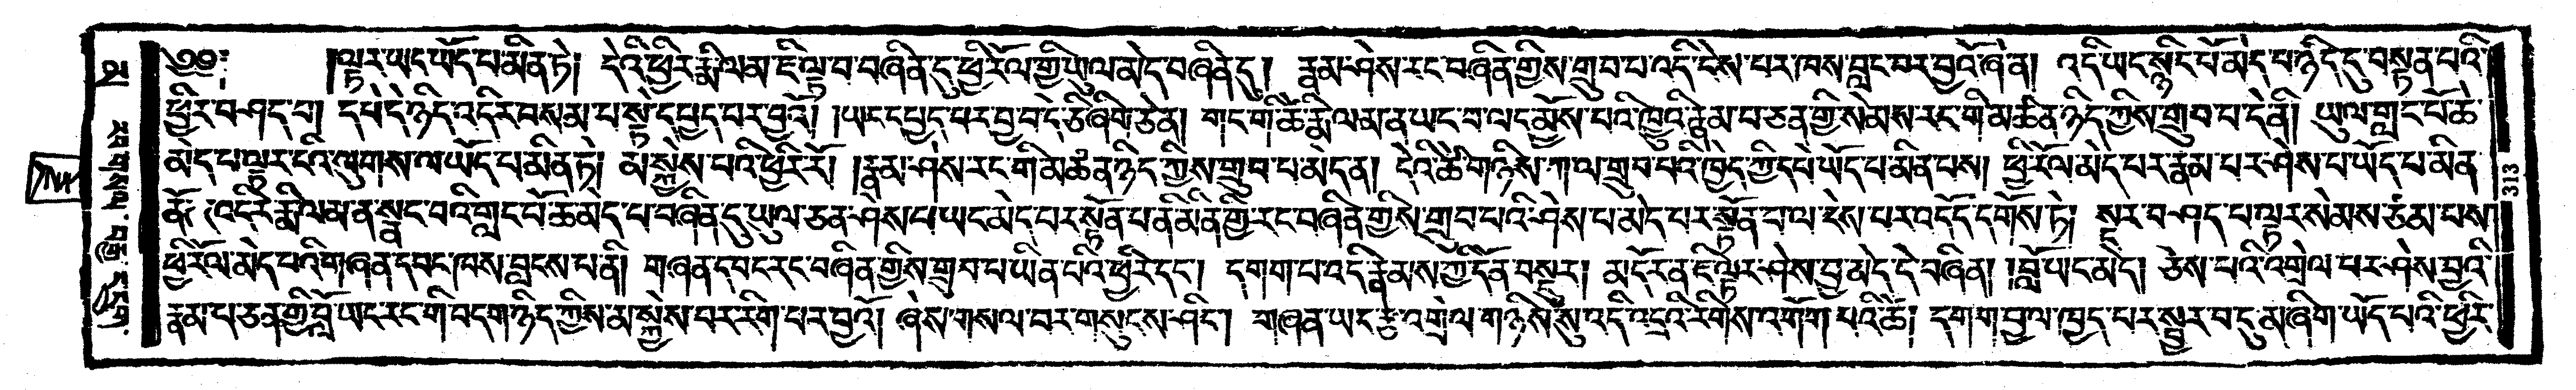༄༅། །ལྟར་ཡང་ཡོད་པ་མིན་ཏེ། དེའི་ཕྱིར་རྨི་ལམ་ཇི་ལྟ་བ་བཞིན་དུ་ཕྱི་རོལ་གྱི་ཡུལ་མེད་བཞིན་དུ། རྣམ་ཤེས་རང་བཞིན་གྱིས་གྲུབ་པ་འདི་ངེས་པར་ཁས་བླང་བར་བྱའོ་ཞེ་ན། འདི་ཡང་སྙིང་པོ་མེད་པ་ཉིད་དུ་བསྟན་པའི་
ཕྱིར་བཤད་པ། དཔེ་དེ་ཉིད་འདིར་བསམ་པ་སྟེ་དཔྱད་པར་བྱའོ། །ཡང་དཔྱད་པར་བྱ་བ་དེ་ཅི་ཞིག་ཅེ་ན། གང་གི་ཚེ་རྨི་ལམ་ན་ཡང་བ་ལང་མྱོས་པའི་ཁྱུའི་རྣམ་པ་ཅན་གྱི་སེམས་རང་གི་མཚན་ཉིད་ཀྱིས་གྲུབ་པ་དེ་ནི། ཡུལ་གླང་པོ་ཆེ་
མེད་པ་ལྟར་ངའི་ལུགས་ལ་ཡོད་པ་མིན་ཏེ། མ་སྐྱེས་པའི་ཕྱིར་རོ། །རྣམ་ཤེས་རང་གི་མཚན་ཉིད་ཀྱིས་གྲུབ་པ་མེད་ན། དེའི་ཚེ་གཉིས་ཀ་ལ་གྲུབ་པའི་ཁྱེད་ཀྱི་དཔེ་ཡོད་པ་མིན་པས། ཕྱི་རོལ་མེད་པར་རྣམ་པར་ཤེས་པ་ཡོད་པ་མིན་
ནོ༑ ༑འདིར་རྨི་ལམ་ན་སྣང་བའི་གླང་པོ་ཆེ་མེད་པ་བཞིན་དུ་ཡུལ་ཅན་ཤེས་པ་ཡང་མེད་པར་སྟོན་པ་ནི་མིན་གྱི་རང་བཞིན་གྱིས་གྲུབ་པའི་ཤེས་པ་མེད་པར་སྟོན་པ་ལ་ངེས་པར་འདོད་དགོས་ཏེ། སྔར་བཤད་པ་ལྟར་སེམས་ཙམ་པས་
ཕྱི་རོལ་མེད་པའི་གཞན་དབང་ཁས་བླངས་པ་ནི། གཞན་དབང་རང་བཞིན་གྱིས་གྲུབ་པ་ཡིན་པའི་ཕྱིར་དང་། དགག་པ་འདི་རྣམས་ཀྱིས་དོན་བསྡུར། མདོར་ན་ཇི་ལྟར་ཤེས་བྱ་མེད་དེ་བཞིན། །བློ་ཡང་མེད། ཅེས་པའི་འགྲེལ་པར་ཤེས་བྱའི་
རྣམ་པ་ཅན་གྱི་བློ་ཡང་རང་གི་བདག་ཉིད་ཀྱིས་མ་སྐྱེས་པར་རིག་པར་བྱའོ། ཞེས་གསལ་བར་གསུངས་ཤིང་། གཞན་ཡང་རྩ་འགྲེལ་གཉིས་སུ་འདི་འདྲའི་རིགས་འགོག་པའི་ཚེ། དགག་བྱ་ལ་ཁྱད་པར་སྦྱར་བ་དུ་མ་ཞིག་ཡོད་པའི་ཕྱིར་